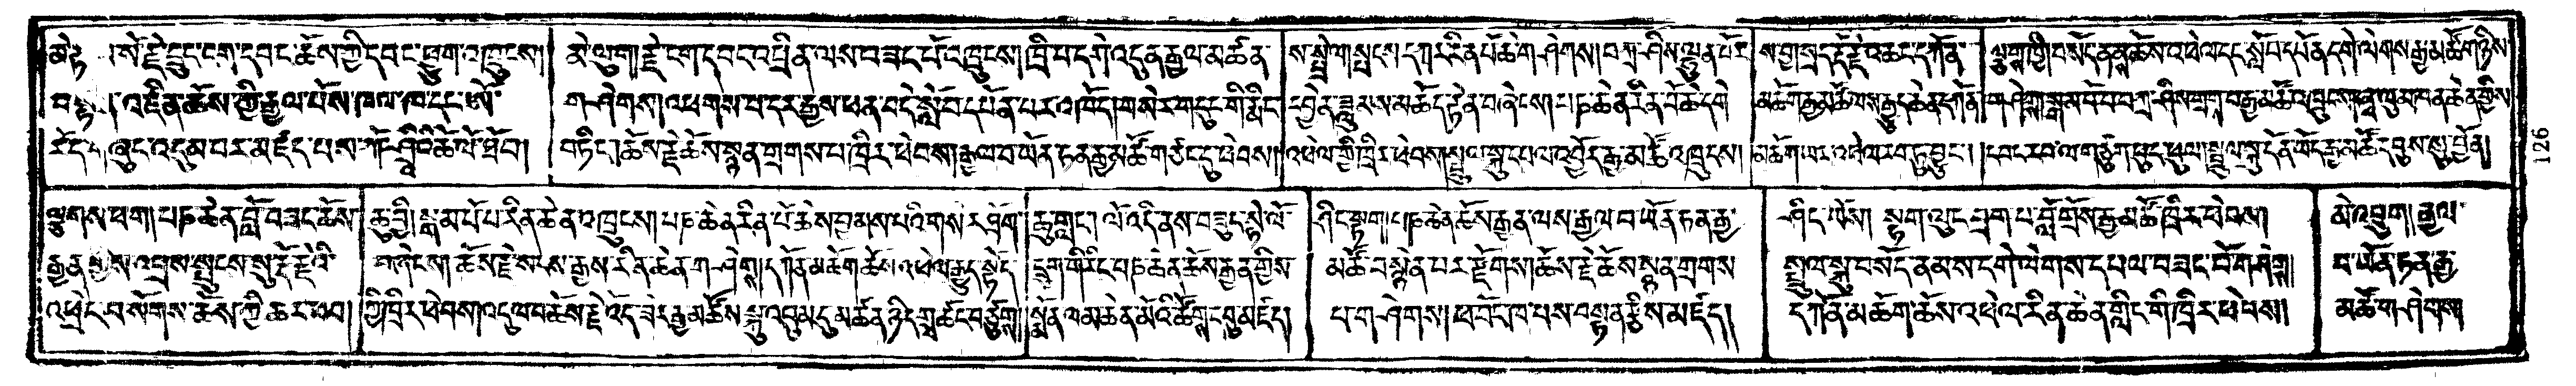མེ་རྟ་སོ་རྗེ་དྲུང་ངག་དབང་ཆོས་ཀྱི་དབང་ཕྱུག་འཁྲུངས། མེ་ལུག། རྗེ་ངག་དབང་འཕྲིན་ལས་བཟང་པོ་འཁྲུངས། ཁྲི་པ་དགེ་འདུན་རྒྱལ་མཚན་ས་སྤྲེལ། སྤངས་དཀར་རིན་པོ་ཆེ་གཤེགས། བཀྲ་ཤིས་ལྷུན་པོར་ས་བྱ། སྲད་རྗེ་འཆང་མཆོན་ལྕགས་ཁྱི། བསོད་ནམས་ཆོས་འཕེལ་དང་སློབ་དཔོན་དགེ་ལེགས་རྒྱ་མཚོ་གཉིས་
བསྟན་འཛིན་ཆོས་ཀྱི་རྒྱལ་པོས་ཁལ་ཁ་དང་ཨོ་གཤེགས། འཕགས་པ་དར་རྒྱས་ཕན་བདེ་སློབ་དཔོན་པར་འཁོད། བསེར་གདུང་གི་རྨིང་དབྱེན་ཟླུམས་མཆོད་རྟེན་བཞེངས། པན་ཆེན་རིན་པོ་ཆེ་དགེ་མཆོག་རྒྱ་མཚོ་ལས་རྒྱུད་ཆེན་དཀོན། གཤེགས་སྒམ་པོ་བ་བཀྲ་ཤིས་གྲགས་བརྒྱ་མཚོ་འཁྲུངས་ཞྭ་ལུ་མཁན་ཆེན་གྱིས་
རོད་གཞུང་འདུམ་པར་མཛད་པས་ཀོ་ཤྲཱིའི་ཆོ་ལོ་ཐོབ། བཏིང་། ཆོས་རྗེ་ཆོས་སྙན་གྲགས་པ་ཁྲིར་ཕེབས། རྒྱལ་བ་ཡོན་ཏན་རྒྱ་མཚོ་གཙང་དུ་ཕེབས། འཕེལ་གྱི་ཁྲི་ཕེབས། སྤྲུལ་སྐུ་དཔལ་འབྱོར་རྒྱ་མཚོ་འཁྲུངས། མཆོག་ཡར་འཕེལ་རབ་ཏུ་བྱུང་། དབང་རབ་ལ་གཙུག་ཕུར་ཕུལ། སྦྲུལ་སྐུ་དོན་ཡོད་རྒྱ་མཚོ་དབུས་སུ་བྱོན།
ལྕགས་ཕག། པཎ་ཆེན་བློ་བཟང་ཆོས་ཆུ་བྱི། སྒམ་པོ་པ་རིན་ཆེན་འཁྲུངས། པཎ་ཆེན་རིན་པོ་ཆེས་བྱམས་པའི་གསར་ཐོག་ཆུ་གླང་། ལོ་འདི་ནས་བཟུང་སྟེ་ལོ་ཤིང་སྟག །པཎ་ཆེན་ཆོས་རྒྱན་པས་རྒྱལ་བ་ཡོན་ཏན་རྒྱ་ཤིང་ཡོས། སྟག་ལུང་བྲག་པ་བློ་གྲོས་རྒྱ་མཚོ་ཁྲིར་ཕེབས། མེ་འབྲུག །རྒྱལ་
རྒྱན་བྱིས་འབྲས་སྤུངས་སུ་རྡོ་རྗེའི་བཞེངས། ཆོས་རྗེ་སངས་རྒྱས་རིན་ཆེན་གཤེགས། དཀོན་མཆོག་ཆོས་འཕེལ་རྒྱུད་སྟོད་དྲུག་གི་རིང་པཎ་ཆེན་ཆོས་རྒྱན་གྱིས་མཚོ་བསྙེན་པར་རྫོགས། ཆོས་རྗེ་ཆོས་སྙན་གྲགས། སྤྲུལ་སྐུ་བསོད་ནམས་དགེ་ལེགས་དཔལ་བཟང་པོ་གཤེགས། བ་ཡོན་ཏན་རྒྱ་
འཕྲེང་བ་སོགས་ཆོས་ཀྱི་ཆར་ཕབ། ཀྱི་ཁྲིར་ཕེབས། འདུལ་བ་ཆོས་རྗེ་འོད་ཟེར་རྒྱ་མཚོས་སྐུ་འབུམ་དུམ་ཚན་ཉིད་གྲྭ་ཚང་བཙུགས། སྨོན་ལམ་ཆེན་མོའི་ཚོགས་དབུ་མཛད། པ་གཤེགས། ཕ་བོང་ཁ་པས་བསྟན་རྩིས་མཛད། དཀོན་མཆོག་ཆོས་འཕེལ་རིན་ཆེན་གླིང་གི་ཁྲིར་ཕེབས། མཚོ་གཤེགས།